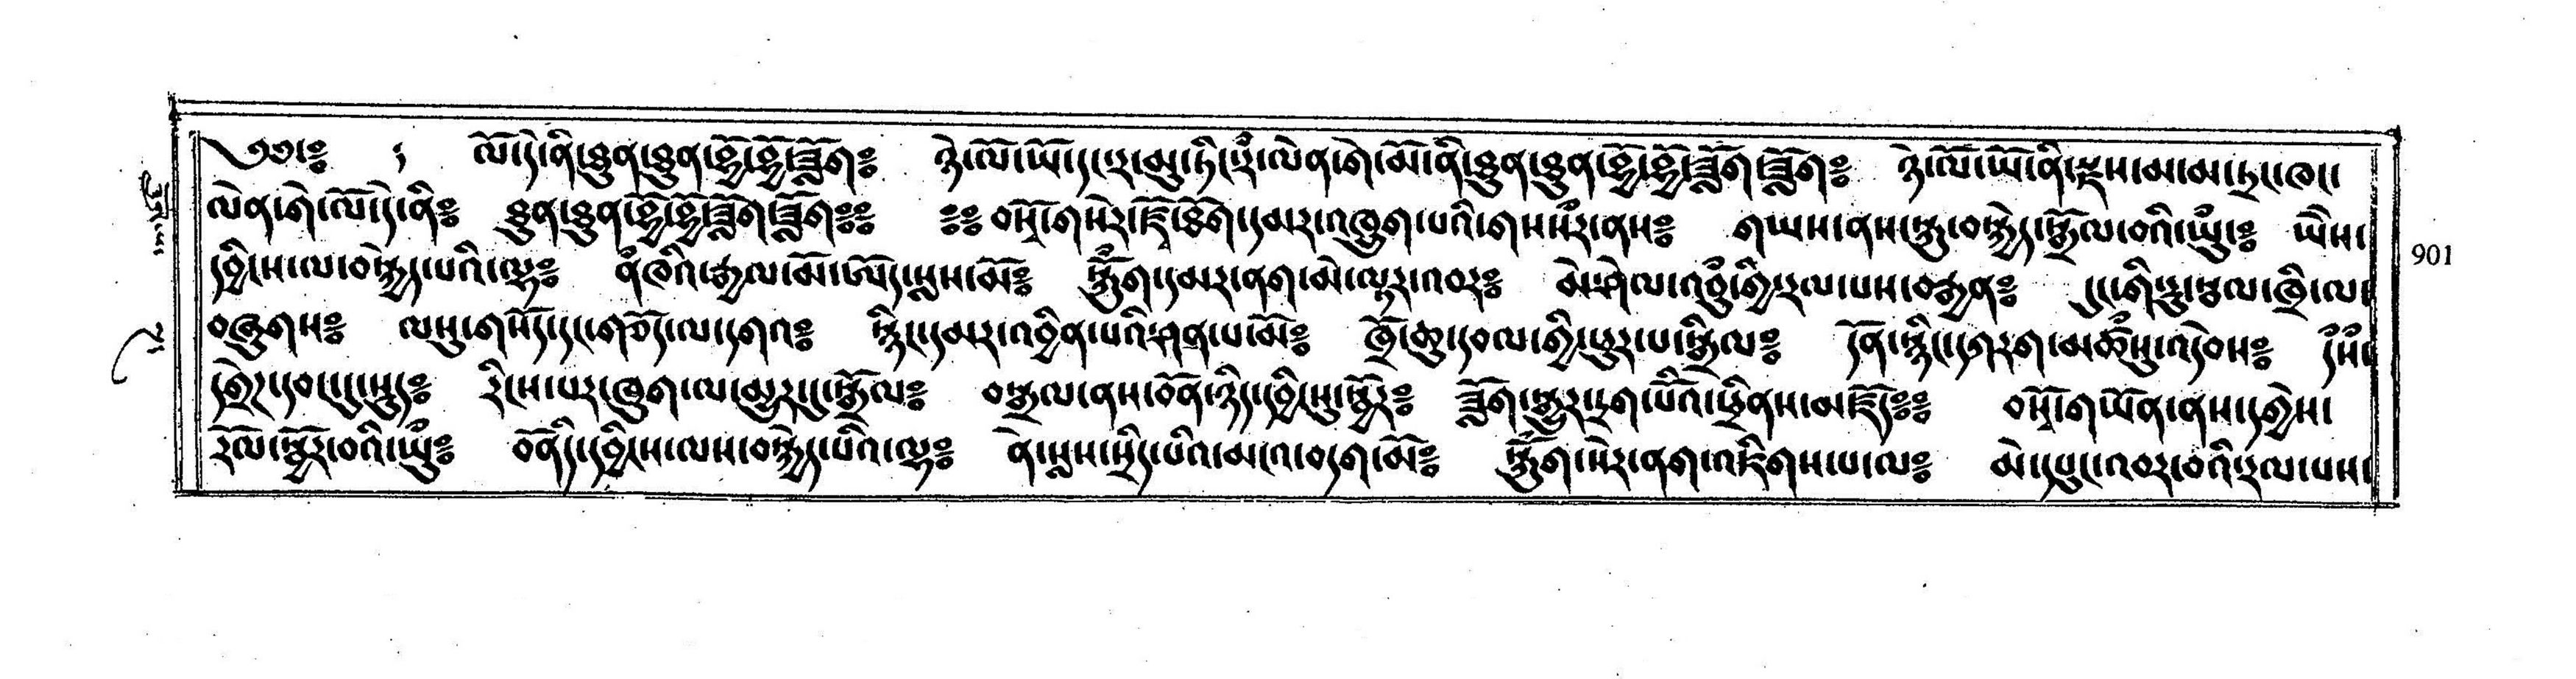ལོ་དེ་ནི་ཐུན་ཐུན་བྷྱོ་བྷྱོ་ཟློག༔ ཉེ་ལོ་ཡོ་དང་ར་མུ་ཏིང་རཾ་ལེན་གེ་མོ་ནི་ཐུན་ཐུན་བྷྱོ་བྷྱོ་ཟློག་ཟློག༔ ཉེ་ལོ་ཡོ་ནི་རྫས་མ་མ་ཏྲང་ཁང་
ལེན་གེ་ལོ་དེ་ནི༔ ཐུན་ཐུན་བྷྱོ་བྷྱོ་ཟློག་ཟློག༔༔ ༔༔བསྭོ་གསེར་ཛྭོ་ཐོག་དམར་འཁྲུག་པའི་གསས་མཁར་ནས༔ གཡས་ནས་སྐུ་བསྐྱེད་སྒྲོལ་བའི་ཡུམ༔ ཡེ་ཤེས་
དབྱིངས་ལ་བསྐྱེད་པའི་ལྷ༔ ནམ་མཁའི་རྒྱལ་མོ་ཨོད་སླས་མོ༔ སྐུ་མདོག་དམར་ནག་མེ་ལྟར་འབར༔ མེ་ཤེལ་འབུམ་གྱི་རལ་པས་བརྒྱན༔ དུང་གི་རུ་སྦལ་ཁྲི་ལ་
བཞུགས༔ ལས་སུ་གསོད་དང་གཅོད་ལ་དགའ༔ སྙིང་དམར་འབྱིན་པའི་ཤན་པ་མོ༔ ཁྲོ་ཆུ་དབལ་གྱི་ཕུར་པ་སྒྲིལ༔ དོན་སྙིང་དཀར་ནག་མཚམས་སུ་འདེབས༔ དམ་ཉམས་
དགྲ་བགེགས་དབང་དུ་སྡུད༔ རིངས་པར་ཁུག་ལ་མྱུར་དུ་སྒྲོལ༔ བསྒྲལ་ནས་བོན་ཉིད་དབྱིངས་སུ་སྦྱོར༔ ཟློག་སྒྱུར་དྲག་པོའི་ཕྲིན་ལས་མཛོད༔༔ བསྭོ་གཡོན་ནས་དགྱེས་
རོལ་སྦྱོར་བའི་ཡུམ༔ བོན་ཉིད་དབྱིངས་ལས་བསྐྱེད་པའི་ལྷ༔ ནེ་སླས་སྲིད་པའི་མངའ་བདག་མོ༔ སྐུ་མདོག་སེར་ནག་འཇིགས་པ་ལ༔ མེ་དཔུང་འབར་བའི་རལ་པས་